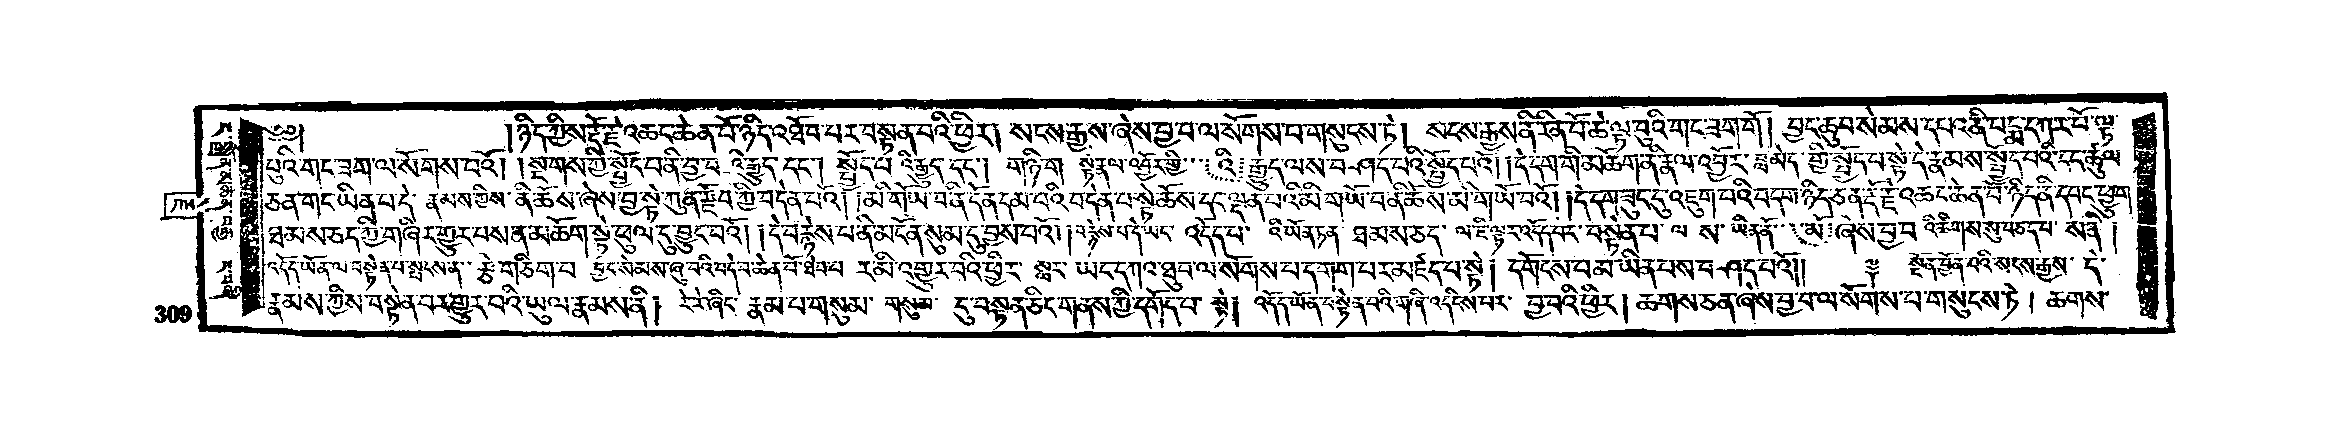༄༅། །ཉིད་ཀྱིས་རྡོ་རྗེ་འཆང་ཆེན་པོ་ཉིད་འཐོབ་པར་བསྟན་པའི་ཕྱིར། སངས་རྒྱས་ཞེས་བྱ་བ་ལ་སོགས་པ་གསུངས་ཏེ། སངས་རྒྱས་ནི་རིན་པོ་ཆེ་ལྟ་བུའི་གང་ཟག་གོ །བྱང་ཆུབ་སེམས་དཔའ་ནི་པདམ་དཀར་པོ་ལྟ་
བུའི་གང་ཟག་ལ་སོགས་པའོ། །སྔགས་ཀྱི་སྤྱོད་པ་ནི་བྱ་བའི་རྒྱུད་དང་། སྤྱོད་པའི་རྒྱུད་དང་། གཉི་ག་སྟེ་རྣལ་འབྱོར་གྱི་འི་རྒྱུད་ལས་བཤད་པའི་སྤྱོད་པའོ། །དེ་དག་གི་མཆོག་ནི་རྣལ་འབྱོར་བླ་མེད་གྱི་སྤྱོད་པ་སྟེ་དེ་རྣམས་སྤྱོད་པའི་ངང་ཚུལ་
ཅན་གང་ཡིན་པ་དེ་རྣམས་ཀྱིས་ནི་ཆོས་ཞེས་བྱ་སྟེ་ཀུན་རྫོབ་ཀྱི་བདེན་པའོ། །མི་གཡོ་བ་ནི་དོན་དམ་པའི་བདེན་པ་སྟེ་ཆོས་དང་ལྡན་པའི་མི་གཡོ་བ་ནི་ཆོས་མི་གཡོ་བའོ། །དེ་དག་ཟུང་དུ་འཇུག་པའི་བདག་ཉིད་ཅན་རྡོ་རྗེ་འཆང་ཆེན་པོ་ཉིད་ནི་དབང་ཕྱུག་
ཐམས་ཅད་ཀྱི་གཞིར་གྱུར་པས་ན་མཆོག་སྟེ་ཕུལ་དུ་བྱུང་བའོ། །དེ་བརྙེས་པ་ནི་མངོན་སུམ་དུ་བྱས་པའོ། ། བརྙེས་པ་དེ་ཡང་འདོད་པའི་ཡོན་ཏན་ཐམས་ཅད་ལ་ཇི་ལྟར་འདོད་པར་བསྟེན་པ་ལས་ཡིན་ནོ་ཨོཾ་ཞེས་བྱ་བའི་ཚིགས་སུ་བཅད་པས་ནི།
འདོད་ཡོན་ལ་བསྟེན་པ་སྤངས་ན་རྩེ་གཅིག་པ་བྱང་སེམས་ཞུ་བའི་བདེ་བ་ཆེན་པོ་ཐོབ་པར་མི་འགྱུར་བའི་ཕྱིར་སླར་ཡང་དཀའ་ཐུབ་ལ་སོགས་པ་དགག་པར་མཛད་པ་སྟེ། དགོངས་པ་མ་ཡིན་པས་བཤད་པའོ།། ༈ སྔོན་བྱོན་པའི་སངས་རྒྱས་དེ་
རྣམས་ཀྱིས་བསྟེན་པར་གྱུར་པའི་ཡུལ་རྣམས་ནི། རེ་རེ་ཞིང་རྣམ་པ་གསུམ་གསུམ་དུ་བསྟན་ཅིང་གནས་ཀྱི་དགོད་པ་སྟེ། འདོད་ཡོན་བསྟེན་པའི་གཞི་འདིངས་པར་བྱ་བའི་ཕྱིར། ཆགས་ཅན་ཞེས་བྱ་བ་ལ་སོགས་པ་གསུངས་ཏེ། ཆགས་